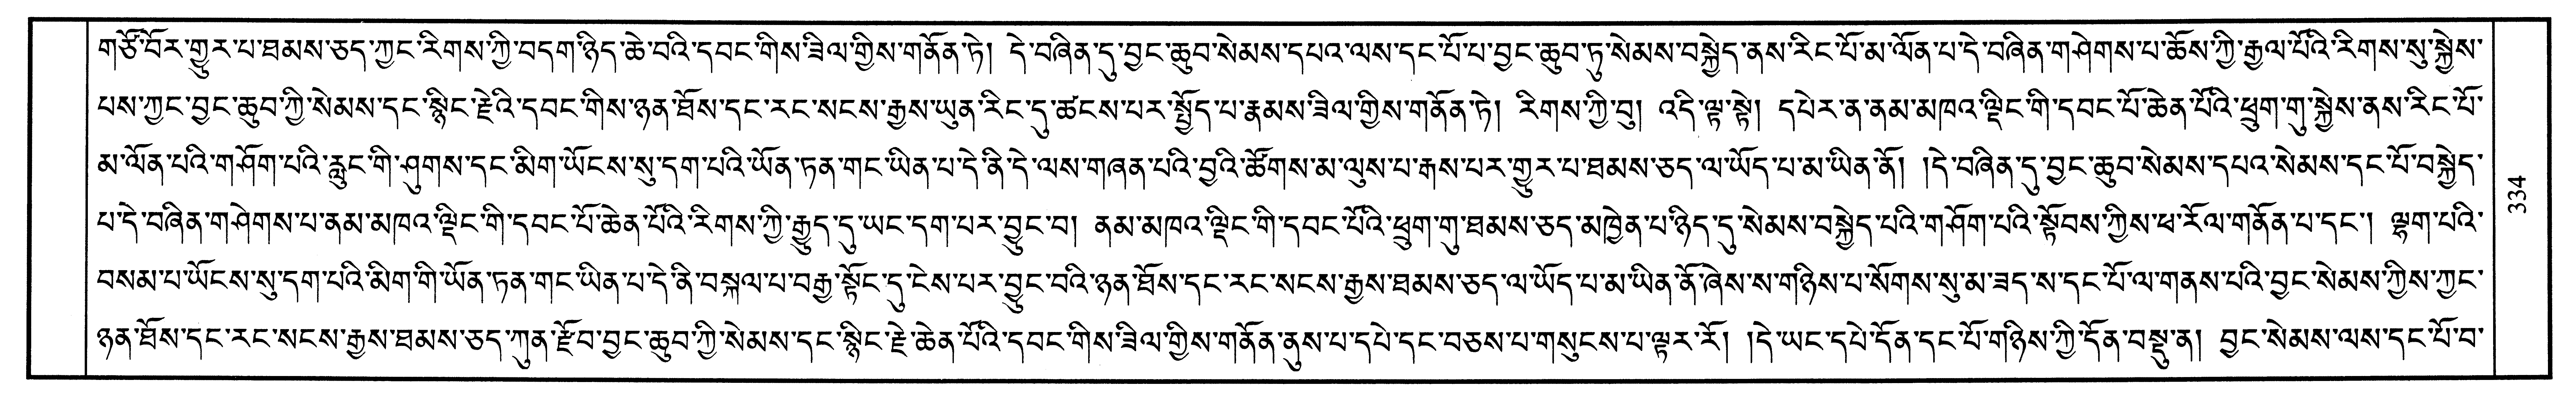གཙོ་བོར་གྱུར་པ་ཐམས་ཅད་ཀྱང་རིགས་ཀྱི་བདག་ཉིད་ཆེ་བའི་དབང་གིས་ཟིལ་གྱིས་གནོན་ཏེ། དེ་བཞིན་དུ་བྱང་ཆུབ་སེམས་དཔའ་ལས་དང་པོ་པ་བྱང་ཆུབ་ཏུ་སེམས་བསྐྱེད་ནས་རིང་པོ་མ་ལོན་པ་དེ་བཞིན་གཤེགས་པ་ཆོས་ཀྱི་རྒྱལ་པོའི་རིགས་སུ་སྐྱེས་
པས་ཀྱང་བྱང་ཆུབ་ཀྱི་སེམས་དང་སྙིང་རྗེའི་དབང་གིས་ཉན་ཐོས་དང་རང་སངས་རྒྱས་ཡུན་རིང་དུ་ཚངས་པར་སྤྱོད་པ་རྣམས་ཟིལ་གྱིས་གནོན་ཏེ། རིགས་ཀྱི་བུ། འདི་ལྟ་སྟེ། དཔེར་ན་ནམ་མཁའ་ལྡིང་གི་དབང་པོ་ཆེན་པོའི་ཕྲུག་གུ་སྐྱེས་ནས་རིང་པོ་
མ་ལོན་པའི་གཤོག་པའི་རླུང་གི་ཤུགས་དང་མིག་ཡོངས་སུ་དག་པའི་ཡོན་ཏན་གང་ཡིན་པ་དེ་ནི་དེ་ལས་གཞན་པའི་བྱའི་ཚོགས་མ་ལུས་པ་རྒས་པར་གྱུར་པ་ཐམས་ཅད་ལ་ཡོད་པ་མ་ཡིན་ནོ། །དེ་བཞིན་དུ་བྱང་ཆུབ་སེམས་དཔའ་སེམས་དང་པོ་བསྐྱེད་
པ་དེ་བཞིན་གཤེགས་པ་ནམ་མཁའ་ལྡིང་གི་དབང་པོ་ཆེན་པོའི་རིགས་ཀྱི་རྒྱུད་དུ་ཡང་དག་པར་བྱུང་བ། ནམ་མཁའ་ལྡིང་གི་དབང་པོའི་ཕྲུག་གུ་ཐམས་ཅད་མཁྱེན་པ་ཉིད་དུ་སེམས་བསྐྱེད་པའི་གཤོག་པའི་སྟོབས་ཀྱིས་ཕ་རོལ་གནོན་པ་དང་། ལྷག་པའི་
བསམ་པ་ཡོངས་སུ་དག་པའི་མིག་གི་ཡོན་ཏན་གང་ཡིན་པ་དེ་ནི་བསྐལ་པ་བརྒྱ་སྟོང་དུ་ངེས་པར་བྱུང་བའི་ཉན་ཐོས་དང་རང་སངས་རྒྱས་ཐམས་ཅད་ལ་ཡོད་པ་མ་ཡིན་ནོ་ཞེས་ས་གཉིས་པ་སོགས་སུ་མ་ཟད་ས་དང་པོ་ལ་གནས་པའི་བྱང་སེམས་ཀྱིས་ཀྱང་
ཉན་ཐོས་དང་རང་སངས་རྒྱས་ཐམས་ཅད་ཀུན་རྫོབ་བྱང་ཆུབ་ཀྱི་སེམས་དང་སྙིང་རྗེ་ཆེན་པོའི་དབང་གིས་ཟིལ་གྱིས་གནོན་ནུས་པ་དཔེ་དང་བཅས་པ་གསུངས་པ་ལྟར་རོ། །དེ་ཡང་དཔེ་དོན་དང་པོ་གཉིས་ཀྱི་དོན་བསྡུ་ན། བྱང་སེམས་ལས་དང་པོ་བ་